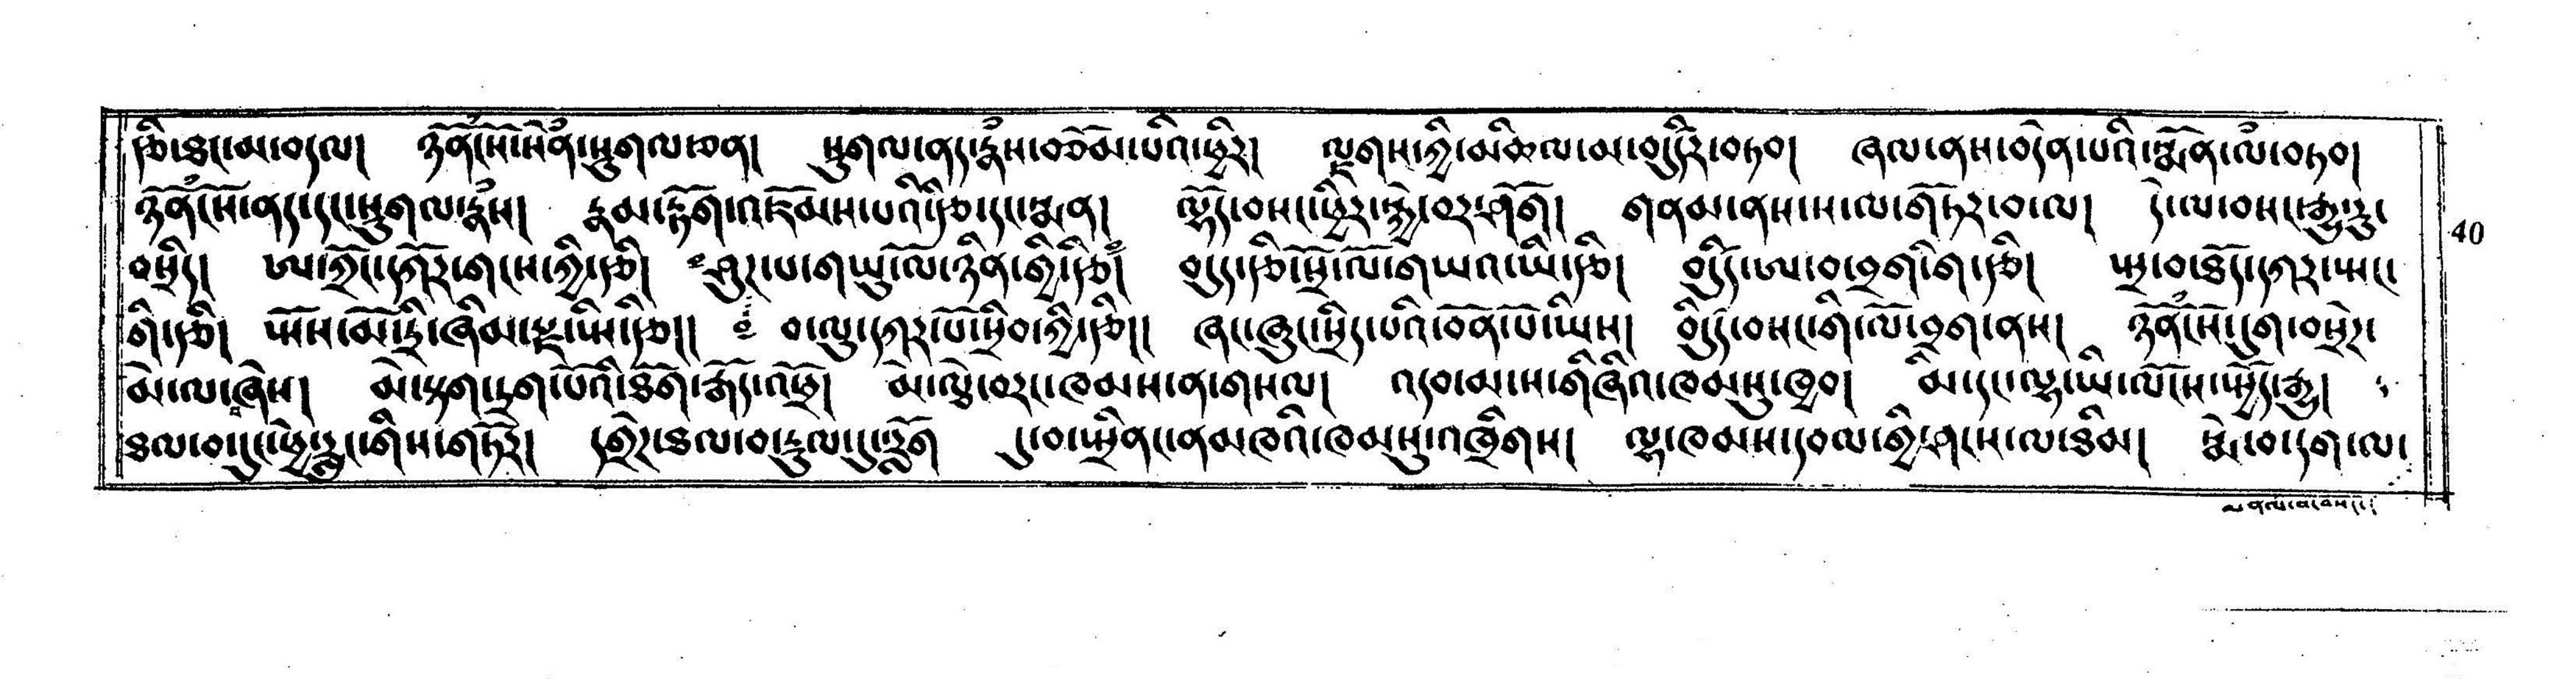རྩི་ཐང་མ་བདལ། ཉོན་མོངས་སེམས་ཅན་སྡུག་བསྔལ་ཅན། སྡུག་བསྔལ་ནད་རྣམས་བཅོམ་པའི་ཕྱིར། ལྗགས་ཀྱི་མཆིལ་མ་བདུད་རྩིར་བཏབ། ཞལ་ནས་བདེན་པའི་སྨོན་ལམ་བཏབ། 
ཉོན་མོངས་ནད་དང་སྡུག་བསྔལ་རྣམས། རྣམ་རྟོག་འཇོམས་པའི་རྩི་དང་སྨན། ལྷ་རྒོད་བསང་ཕྱིར་སྐྱེ་བར་ཤོག གནམ་ནས་ས་ལ་གཏོར་བ་ལ། དེ་ལ་བསང་གི་རྒྱུ་རུ་
བསྲིད། ཨ་ཀྲོང་དཀར་པོ་གངས་ཀྱི་རྩི། བདུད་རྩི་སྲོ་ལོ་གཡའ་ཡི་རྩི། བདུད་རྩི་ཨ་བ་བྲག་གི་རྩི། སྤྲ་བ་ཐོད་དཀར་སྤང་
གི་རྩི། སྤོས་མོ་དྲི་ཞིམ་རྫ་ཡི་རྩི།། ཤུགས་པ་གཡུ་ལོ་ཉིན་གྱི་རྩི། བ་ལུ་དཀར་པོ་སྲིབ་ཀྱི་རྩི།། ཞང་ཞུང་སྲིད་པའི་བོན་པོ་ཡིས། བདུད་རྩི་བསང་གི་ལོ་བྲག་ནས། ཉོན་མོངས་དུག་བསྲེགས་
མེ་ལ་བཞེས། མེ་སྟག་དྲག་པོའི་ཐོག་རྒོད་འཕྲོ། མེ་ལྕེ་བར་སྣང་ཁམས་ན་གསལ། འདབ་མ་ས་གཞིའི་ཁམས་སུ་ཁྱབ། མི་དང་ལྷ་ཡི་ལོངས་སྤྱོད་རྒྱུ། 
ཐལ་བ་དུང་ཕྱེ་རླུང་གིས་གཏོར། དགྲ་བགེགས་ཐལ་བ་རྡུལ་དུ་རློག དུ་བ་སྤྲིན་དང་ནམ་མཁའི་ཁམས་སུ་འཁྲིགས། ལྷ་ཁམས་དབལ་གྱི་ཤངས་ལ་ཐིམ། སྨེ་བ་དག་ལ་མནོལ་བ་བསང་།